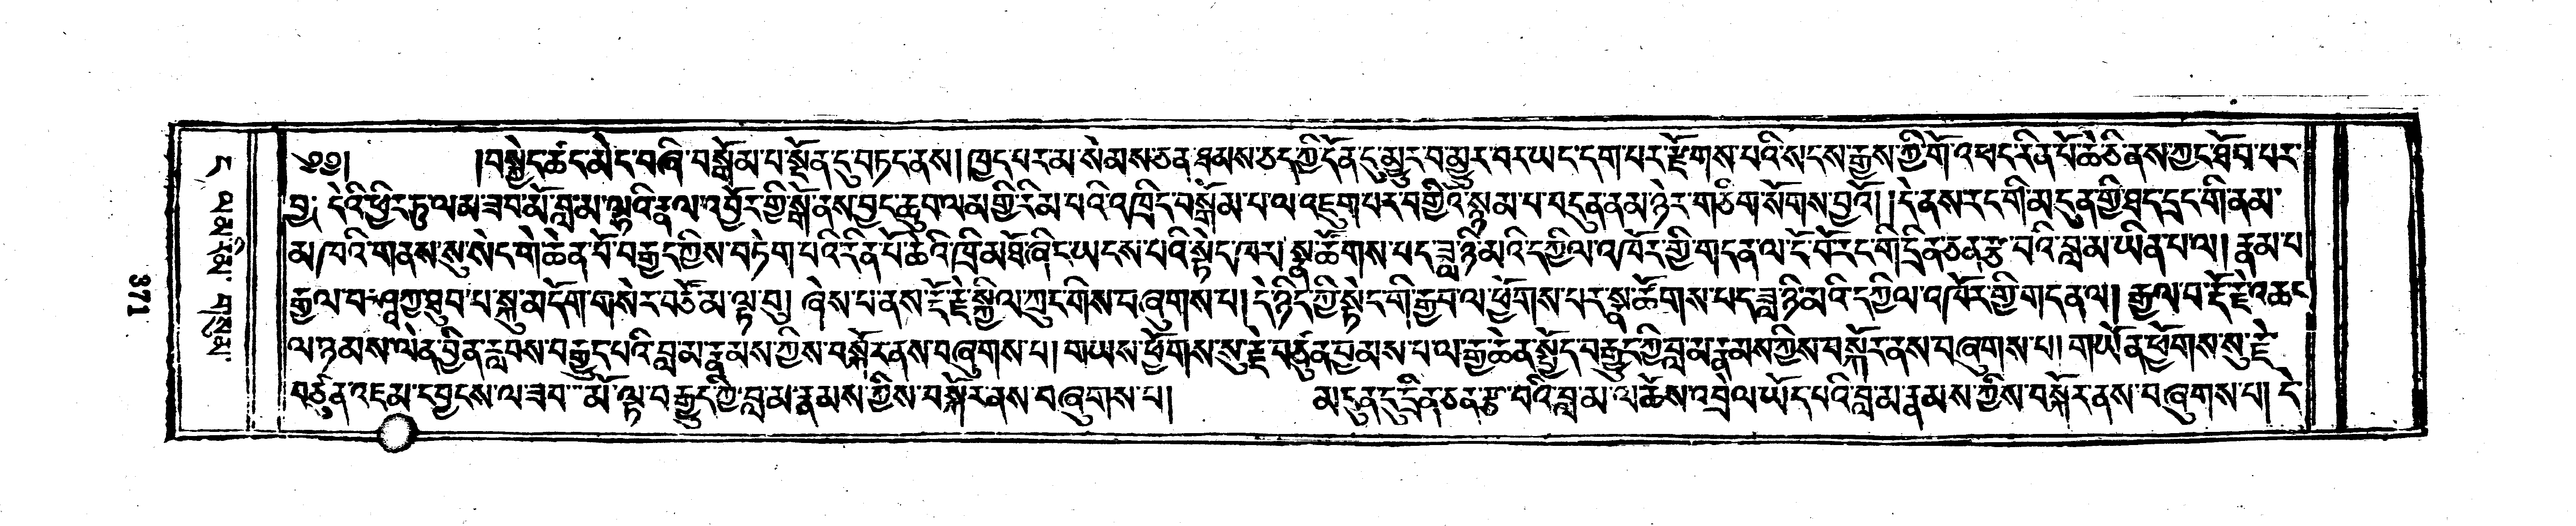༄༅། །བསྐྱེད་ཚད་མེད་བཞི་བསྒོམ་པ་སྔོན་དུ་བཏང་ནས། ཁྱད་པར་མ་སེམས་ཅན་ཐམས་ཅད་ཀྱི་དོན་དུ་མྱུར་བ་མྱུར་བར་ཡང་དག་པར་རྫོགས་པའི་སངས་རྒྱས་ཀྱི་གོ་འཕང་རིན་པོ་ཆེ་ཅི་ནས་ཀྱང་ཐོབ་པར་
བྱ༑ དེའི་ཕྱིར་ཏུ་ལམ་ཟབ་མོ་བླ་མ་ལྷའི་རྣལ་འབྱོར་གྱི་སྒོ་ནས་བྱང་ཆུབ་ལམ་གྱི་རིམ་པའི་འཁྲིད་བསྒོམ་པ་ལ་འཇུག་པར་བགྱིའོ་སྙམ་པ་བདུན་ནམ་ཉེར་གཅིག་སོགས་བྱའོ། །དེ་ནས་རང་གི་མདུན་གྱི་ཐད་དྲང་གི་ནམ་
མཁའི་གནས་སུ་སེང་གེ་ཆེན་པོ་བརྒྱད་ཀྱིས་བཏེག་པའི་རིན་པོ་ཆེའི་ཁྲི་མཐོ་ཞིང་ཡངས་པའི་སྟེང་ཁར། སྣ་ཚོགས་པད་ཟླ་ཉི་མའི་དཀྱིལ་འཁོར་གྱི་གདན་ལ་ངོ་བོ་རང་གི་དྲིན་ཅན་རྩ་བའི་བླ་མ་ཡིན་པ་ལ། རྣམ་པ་
རྒྱལ་བ་ཤཱཀྱ་ཐུབ་པ་སྐུ་མདོག་གསེར་བཙོ་མ་ལྟ་བུ། ཞེས་པ་ནས་རྡོ་རྗེ་སྐྱིལ་ཀྲུང་གིས་བཞུགས་པ། དེ་ཉིད་ཀྱི་སྟེང་གི་རྒྱབ་ལ་ཕྱོགས་པར་སྣ་ཚོགས་པད་ཟླ་ཉི་མའི་དཀྱིལ་འཁོར་གྱི་གདན་ལ། རྒྱལ་བ་རྡོ་རྗེ་འཆང་
ལ་ཉམས་ལེན་བྱིན་རླབས་བརྒྱུད་པའི་བླ་མ་རྣམས་ཀྱིས་བསྐོར་ནས་བཞུགས་པ། གཡས་ཕྱོགས་སུ་རྗེ་བཙུན་བྱམས་པ་ལ་རྒྱ་ཆེན་སྤྱོད་བརྒྱུད་ཀྱི་བླ་མ་རྣམས་ཀྱིས་བསྐོར་ནས་བཞུགས་པ། གཡོན་ཕྱོགས་སུ་རྗེ་
བཙུན་འཇམ་དབྱངས་ལ་ཟབ་མོ་ལྟ་བརྒྱུད་ཀྱི་བླ་མ་རྣམས་ཀྱིས་བསྐོར་ནས་བཞུགས་པ། མདུན་དུ་དྲིན་ཅན་རྩ་བའི་བླ་མ་ལ་ཆོས་འབྲེལ་ཡོད་པའི་བླ་མ་རྣམས་ཀྱིས་བསྐོར་ནས་བཞུགས་པ། དེ་